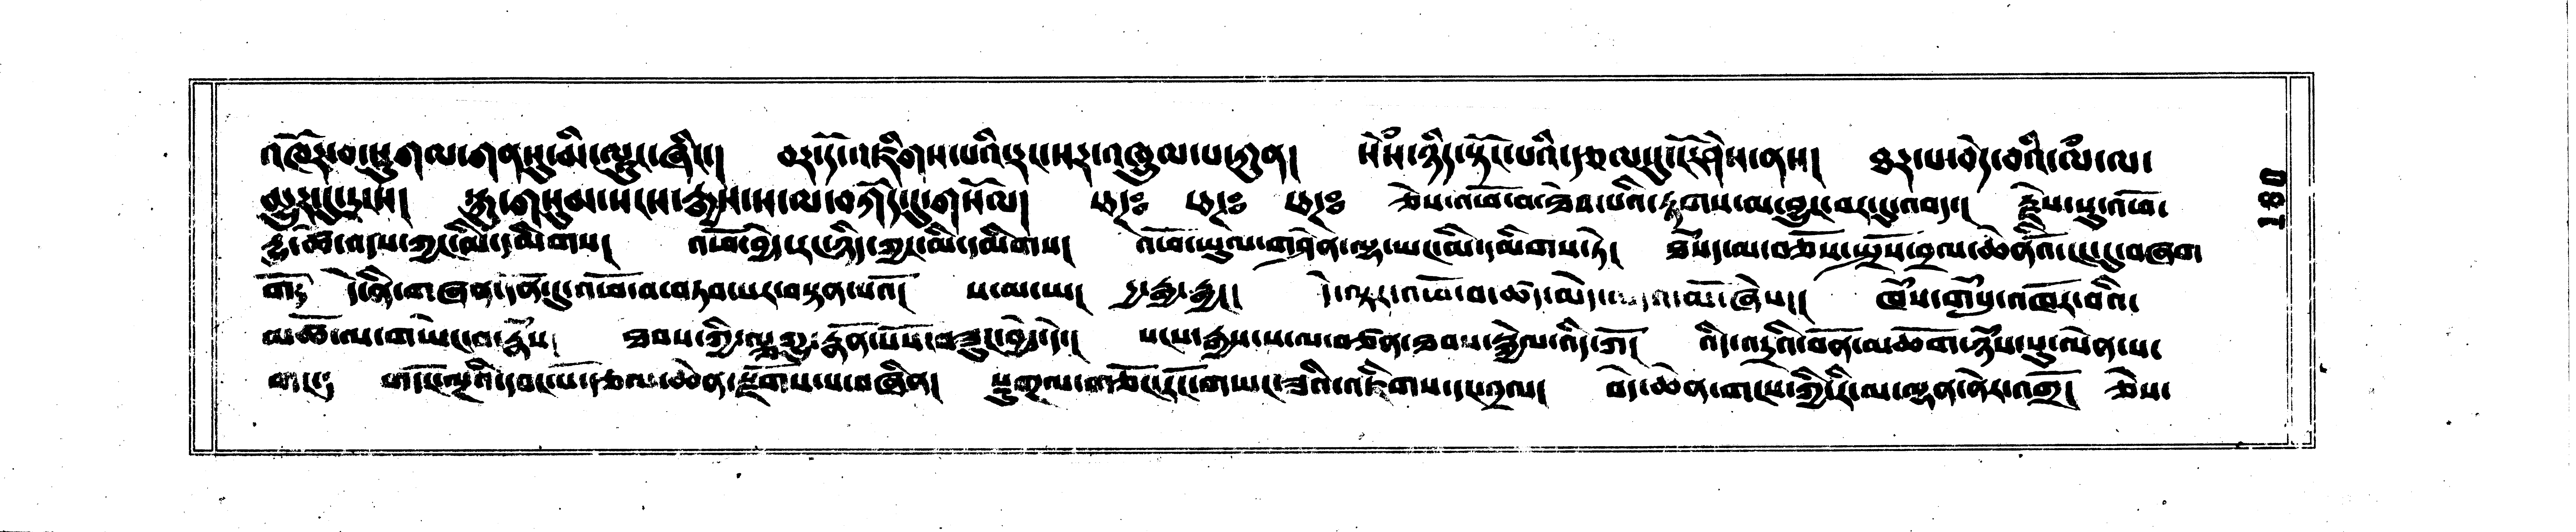འཁོར་བ་སྡུག་བསྔལ་གནས་སུ་མི་ལྟུང་ཞིང་། །བར་དོ་འཇིགས་པའི་རང་སར་འཁྲུལ་པ་ཀུན། །སེམས་ཉིད་སྟོང་པའི་རྩལ་དུ་ངོ་ཤེས་ནས། །ཐར་པ་བདེ་བའི་ལམ་ལ་
མྱུར་དུ་དྲངས། །སྐུ་གསུམ་སངས་རྒྱས་ས་ལ་བཀོད་དུ་གསོལ། །ཕཊཿཕཊཿཕཊཿ ཅེས་འཕོ་བ་ཐེབས་པའི་རྟགས་མ་བྱུང་བར་དུ་འབད། རྗེས་སུ་འཕོ་
རྒྱུ་ཚེ་འདས་ཀྱང་མི་དམིགས། འཕོ་བྱེད་རང་ཉིད་ཀྱང་མི་དམིགས། འཕོ་ཡུལ་གཤེན་ལྷ་ཡང་མི་དམིགས་ཏེ། ཐམས་ཅད་མ་བཅོས་སྤྲོས་བྲལ་ཆེན་པོའི་ངང་དུ་བཞག་
གོ །དེ་ནི་གཞན་དོན་དུ་འཕོ་བ་བཏབ་པར་བསྟན་པའོ། །ས་མ་ཡ། རྒྱ་རྒྱ་རྒྱ། དེ་ལྟར་འཕོ་བ་ཚད་མེད་མདའ་མོ་ཞེས། །ཁམས་གསུམ་འཁོར་བའི་
མཚོ་ལ་གཡེང་བ་རྣམས། །ཐབས་ཀྱི་ལྩཀྱུ་རྣོན་པོས་བཟུང་བྱེད་དེ། །སངས་རྒྱས་ས་ལ་བཙན་ཐབས་སྐྱེལ་འདི་ཀོ །འདི་འདྲའི་བོན་མཆོག་ཉམས་སུ་ལེན་པ་
གང་། །གདོང་ལྔའི་དབང་པོ་རྩལ་ཆེན་རྫོགས་པ་བཞིན། །སྡུག་བསྔལ་གཅོང་རོང་གཡང་ཟའི་འཇིགསས་དང་བྲལ། །བདེ་ཆེན་གངས་ཀྱི་རི་ལ་ལྷང་ངེར་འགྲོ། །ཅེས་